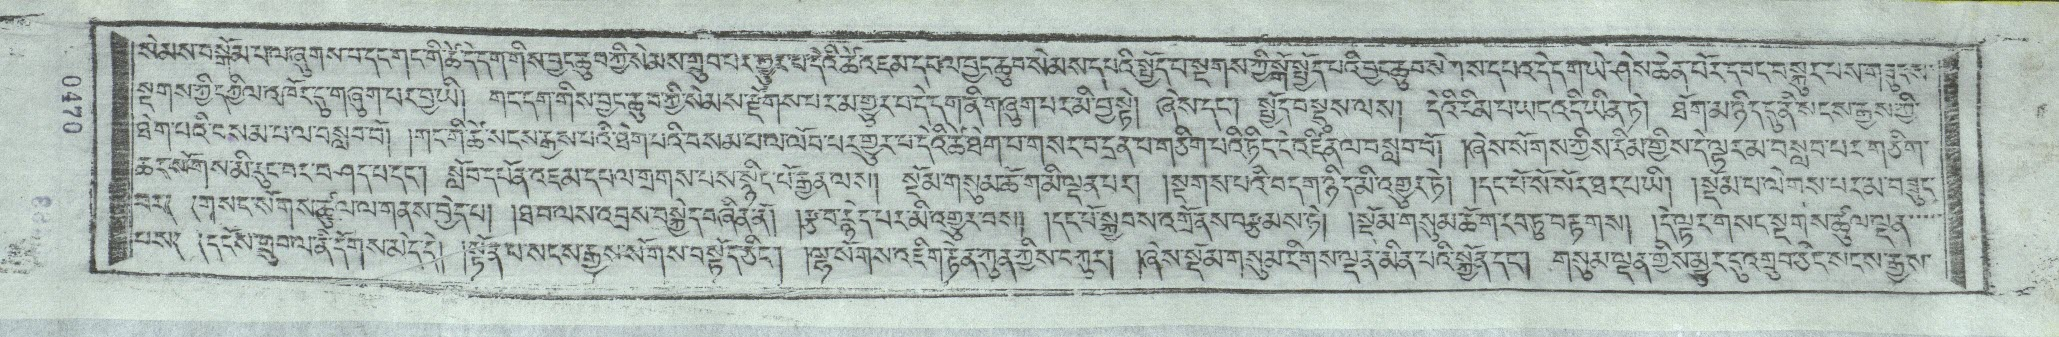སེམས་བསྒོམ་པ་ལ་ཞུགས་པ་དང་གང་གི་ཚེ་དེ་དག་གིས་བྱང་ཆུབ་ཀྱི་སེམས་གྲུབ་པར་གྱུར་པ་དེའི་ཚེ་འཇམ་དཔལ་བྱང་ཆུབ་སེམས་དཔའི་སྤྱོད་པ་སྔགས་ཀྱི་སྒོ་སྤྱོད་པའི་བྱང་ཆུབ་སེགས་དཔའ་དེ་དག་ཡེ་ཤེས་ཆེན་པོར་དབང་བསྐུར་པས་གཟུངས་
སྔགས་ཀྱི་དཀྱིལ་འཁོར་དུ་གཞུག་པར་བྱ་ཡི། གང་དག་གིས་བྱང་ཆུབ་ཀྱི་སེམས་རྫོགས་པར་མ་གྱུར་པ་དེ་དག་ནི་གཞུག་པར་མི་བྱ་སྟེ། ཞེས་དང་། སྤྱོད་བསྡུས་ལས། དེའི་རིམ་པ་ཡང་འདི་ཡིན་ཏེ། ཐོག་མ་ཉིད་དུ་ནི་སངས་རྒྱས་ཀྱི་
ཐེག་པའི་བསམ་པ་ལ་བསླབ་པོ། །གང་གི་ཚེ་སངས་རྒྱས་པའི་ཐེག་པའི་བསམ་པ་ལ་ལོབ་པར་གྱུར་པ་དེའི་ཚེ་ཐེག་པ་གསར་བ་དྲན་པ་གཅིག་པའི་ཏིང་ངེ་འཛིན་ལ་བསླབ་བོ། །ཞེས་སོགས་ཀྱིས་རིམ་གྱིས་དེ་ལྟར་མ་བསླབ་པར་གཅིག་
ཆར་སོགས་མི་རུང་བར་བཤད་པ་དང་། སློབ་དཔོན་འཇམ་དཔལ་གྲགས་པས་སྙིང་པོ་རྒྱན་ལས། སྡོམ་གསུམ་ཆོ་ག་མི་ལྡན་པར། །སྔགས་པའི་བདག་ཉིད་མི་འགྱུར་ཏེ། །དང་པོ་སོ་སོར་ཐར་པ་ཡི། །སྡོམ་པ་ལེགས་པར་མ་བཟུང་
བར༑ ༑གསང་སོགས་ཚུལ་ལ་གནས་བྱེད་པ། །ཐབ་ལས་འབྲས་བསྐྱེད་བཞིན་ནོ། །རྩ་བ་རྙེད་པར་མི་འགྱུར་བས། །དང་པོ་སྐྱབས་འགྲོ་ནས་བརྩམས་ཏེ། །སྡོམ་གསུམ་ཆོ་ག་རབ་ཏུ་བརྟགས། །དེ་ལྟར་གསང་སྔགས་ཚུལ་ལྡན་
པས༑ ༑དངོས་གྲུབ་ལ་ནི་དོགས་མེད་དེ། །སྟོན་པ་སངས་རྒྱས་སོགས་བསྟོད་ཅིང་། །ལྷ་སོགས་འཇིག་རྟེན་ཀུན་ཀྱིས་བཀུར། །ཞེས་སྡོམ་གསུམ་རིགས་ལྡན་མིན་པའི་སྐྱོན་དང་། གསུམ་ལྡན་གྱིས་མྱུར་དུ་འགྲུབ་ཅིང་སངས་རྒྱས་